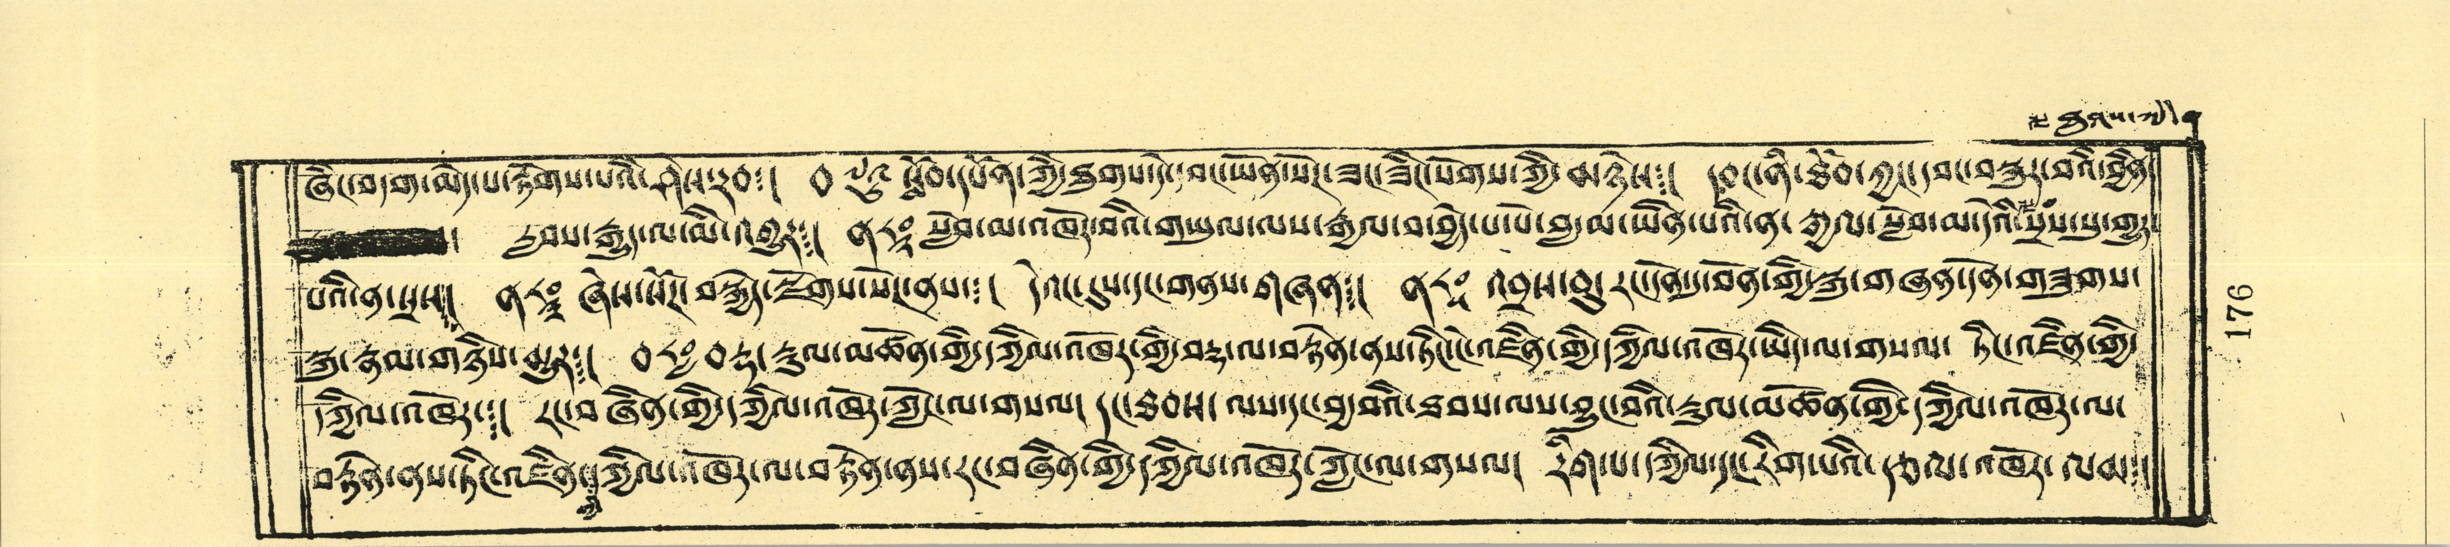ཞིང་བདག་མེད་པ་རྟོགས་པའི་ཤེས་རབ་ བ༧༩།༦ སློབ་དཔོན་གྱི་ཐུགས་དེ་དབང་ཡོན་སོགས་ཟང་ཟིང་སོགས་ཀྱིས་མཉེས། དབང་ནི་ཐོབ་ཀྱང་དབང་བསྐུར་བའི་བྱིན་
རླབས་རྒྱུད་ལ་མི་འགྱུར་ ན༨༠།༢སློབ་མ་འཁོར་བའི་གཡུལ་ལས་རྒྱལ་བར་བྱེད་པ་པོ་བླ་མ་ཡིན་པས་ན་རྒྱལསློབ་མ་དེའི་ཐུགས་ཀྱི་སྲས་སུ་གྱུར་
པས་ན་སྲས་ ན༨༠།༣ཞེས་སོགས་བསྐྱེད་རྫོགས་སོགས་ནས། དེའང་དུས་དང་གནས་གཞན་ ན༨༠།༥འབྲས་བུ་རང་དོན་དུ་བོན་གྱི་སྐུ་གཞན་དོན་གཟུགས་
སྐུ་རྣམ་གཉིས་མྱུར་ བ༨༠།༤བརྡ་རྡུལ་ཚོན་གྱི་དཀྱིལ་འཁོར་གྱི་བརྡ་ལ་བརྟེན་ནས་ཏིང་འཛིན་དཀྱིལ་འཁོར་ཡིད་ལ་གསལ། ཏིང་འཛིན་གྱི་
དཀྱིལ་འཁོར༑ རང་བཞིན་གྱི་དཀྱིལ་འཁོར་ཀློང་ལ་གསལ་དང་ཐབས་ལས་དང་བྱ་བའི་ཐབས་ལས་བྱུང་བའི་རྡུལ་ཚོན་གྱི་དཀྱིལ་འཁོར་ལ་
བརྟེན་ནས་ཏིང་འཛིན་གྱི་དཀྱིལ་འཁོར་ལ་བརྟེན་ནས་རང་བཞིན་གྱི་དཀྱིལ་འཁོར་ཀློང་ལ་གསལ། རིག་པ་དཀྱིལ་དང་རིག་པའི་རྩལ་འཁོར་ལམ